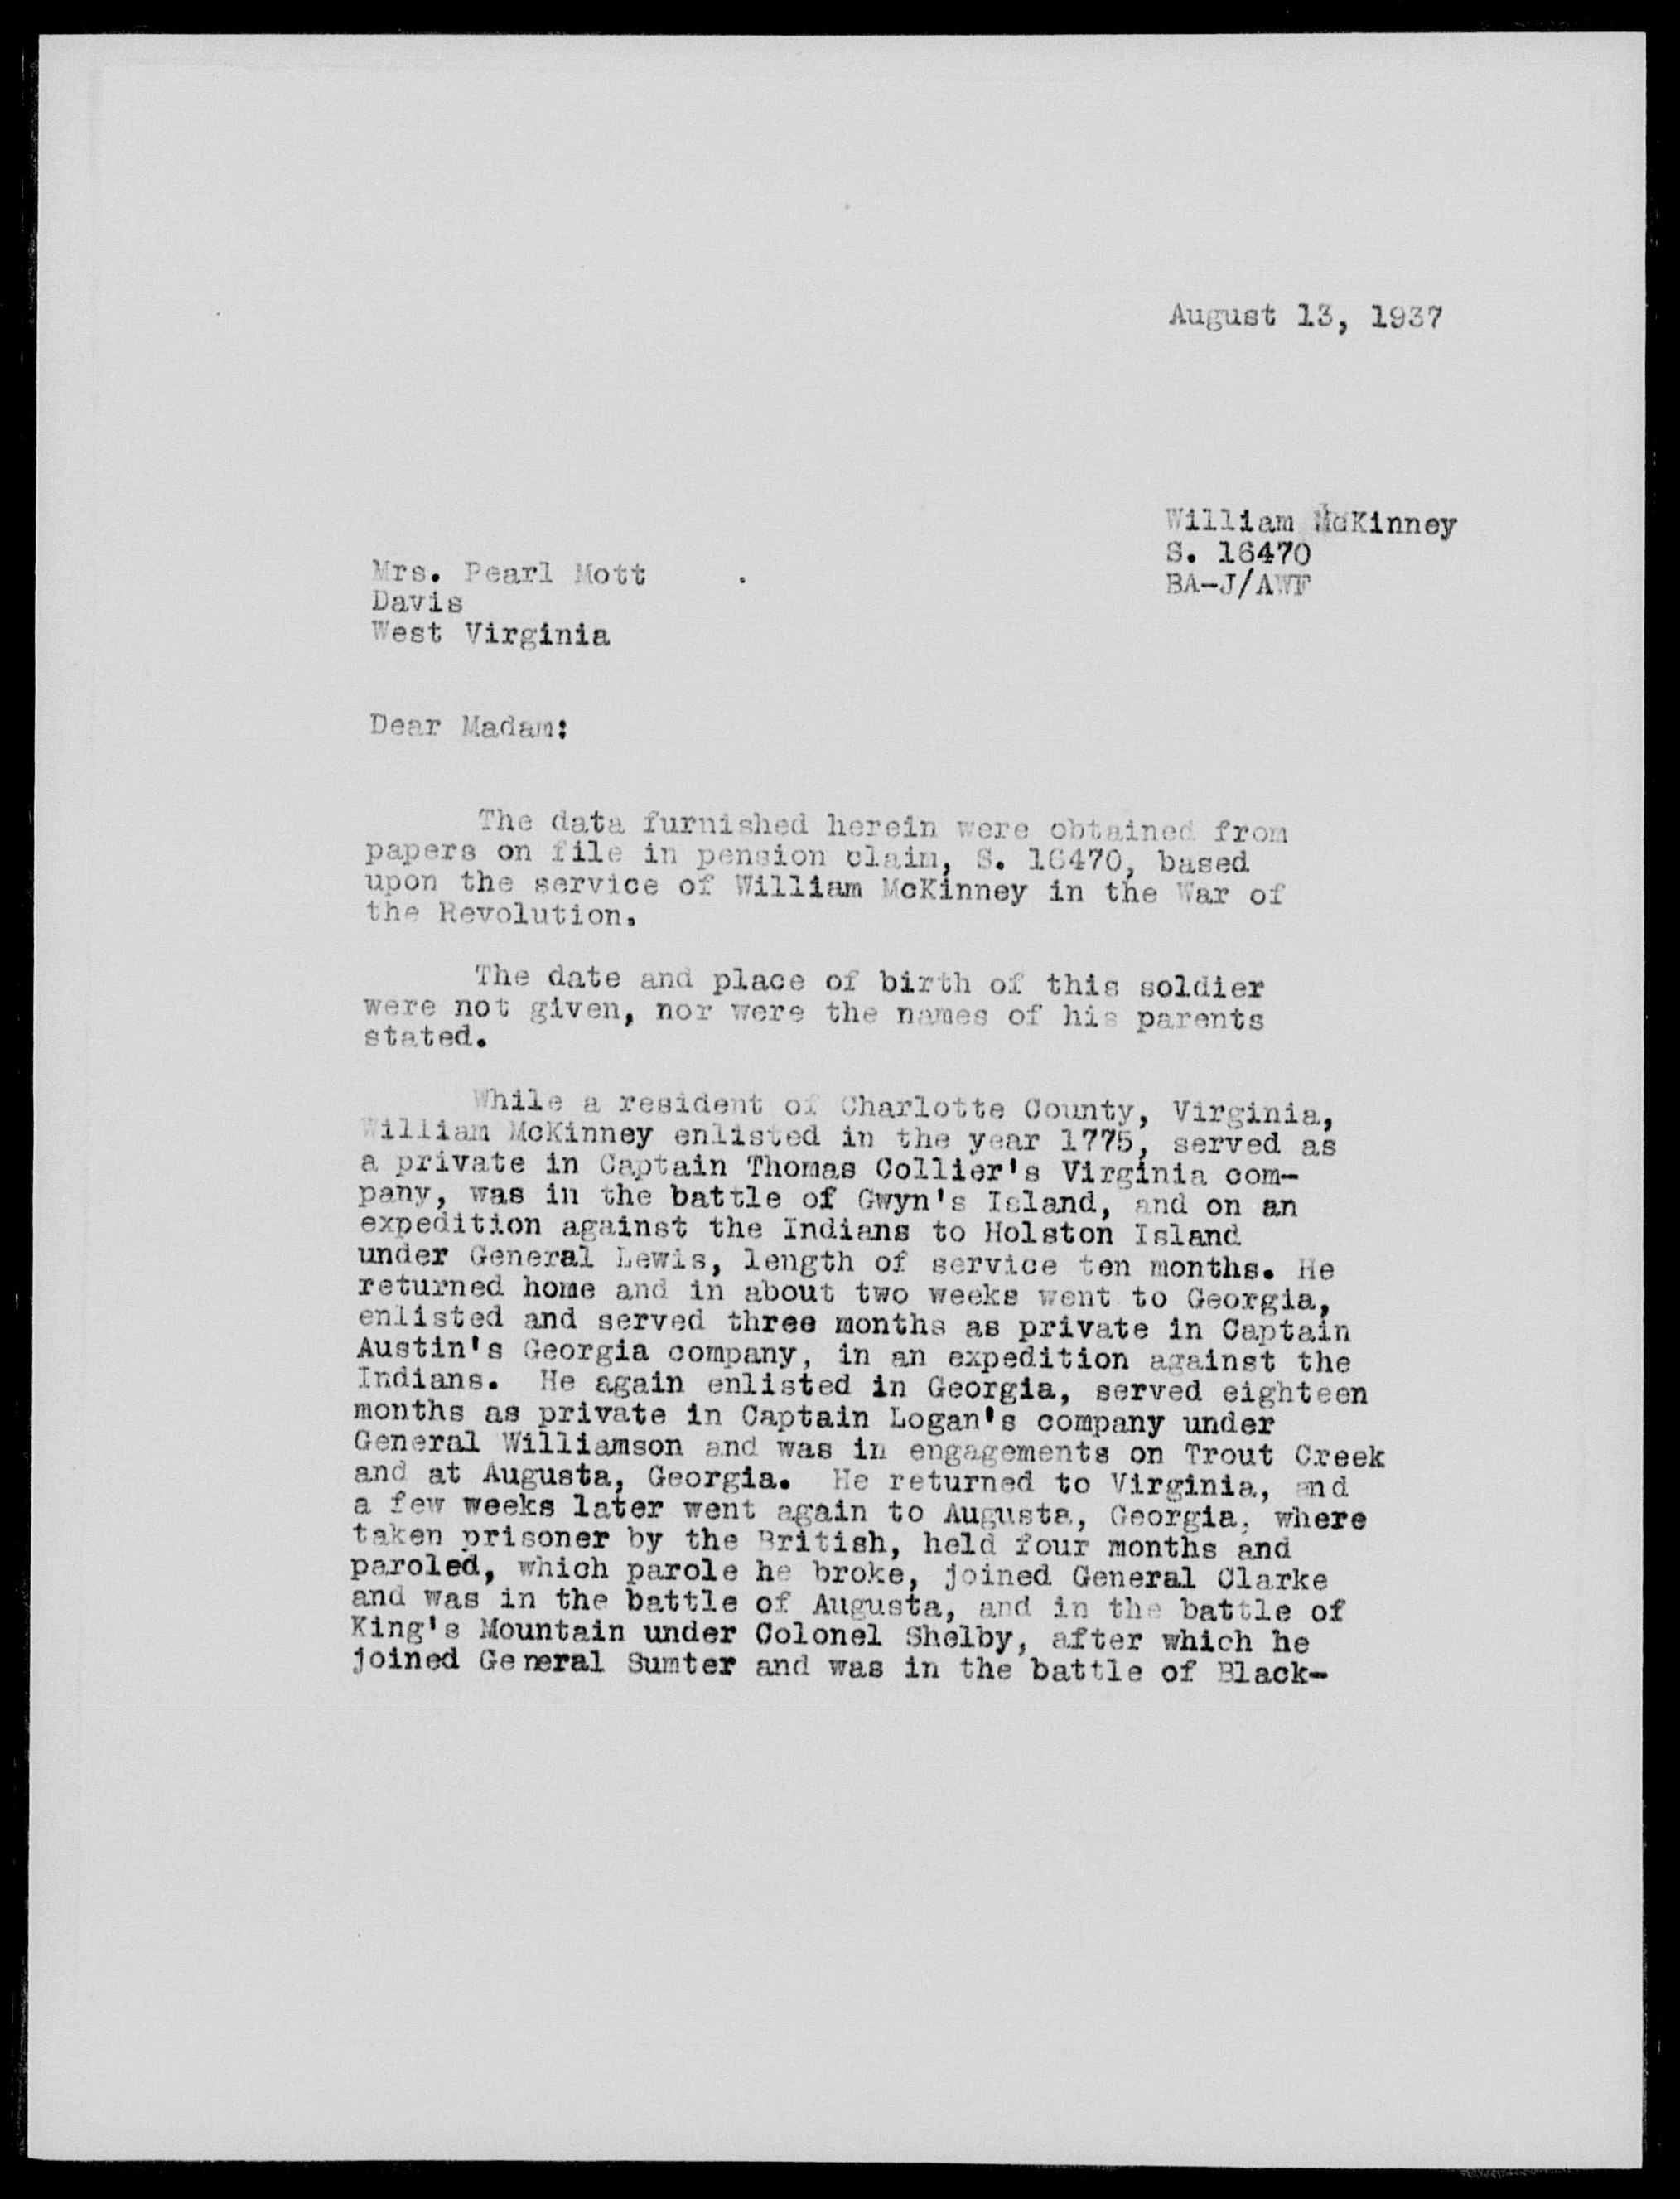August 13, 1937

William McKinney
S. 16470
BA-J/AWF

Mrs. Pearl Mott
Davis
West Virginia

Dear Madam"

The data furnished herein were obtained from papers on file in pension claim, S. 16470, based upon the service of William McKinney in the War of the Revolution.

The date and place of birth of this soldier were not given, nor were the names of his parents stated.

While a resident of Charlotte County, Virginia, William McKinney enlisted in the year 1775, served as a private in Captain Thomas Collier's Virginia company, was in the battle of Gwyn's Island, and on an expedition against the Indians to Holston Island under General Lewis, length of service ten months.  He returned home and in about two weeks went to Georgia, enlisted and served three months as private in Captain Austin's Georgia company, in an expedition against the Indians.  He again enlisted in Georgia, served eighteen months as private in Captain Logan's company under General Williamson and was in engagements on Trout Creek and at Augusta, Georgia.  He returned to Virginia, and a few weeks later went again to Augusta, Georgia, where taken prisoner by the British, held four months and paroled, which parole he broke, joined General Clarke and was in the battle of Augusta, and in the battle of King's Mountain under Colonel Shelby, after which he joined General Sumter and was in the battle of Black-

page: 23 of 28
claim: survivor's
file: S. 16,470, for William Mc Kinney, Georgia